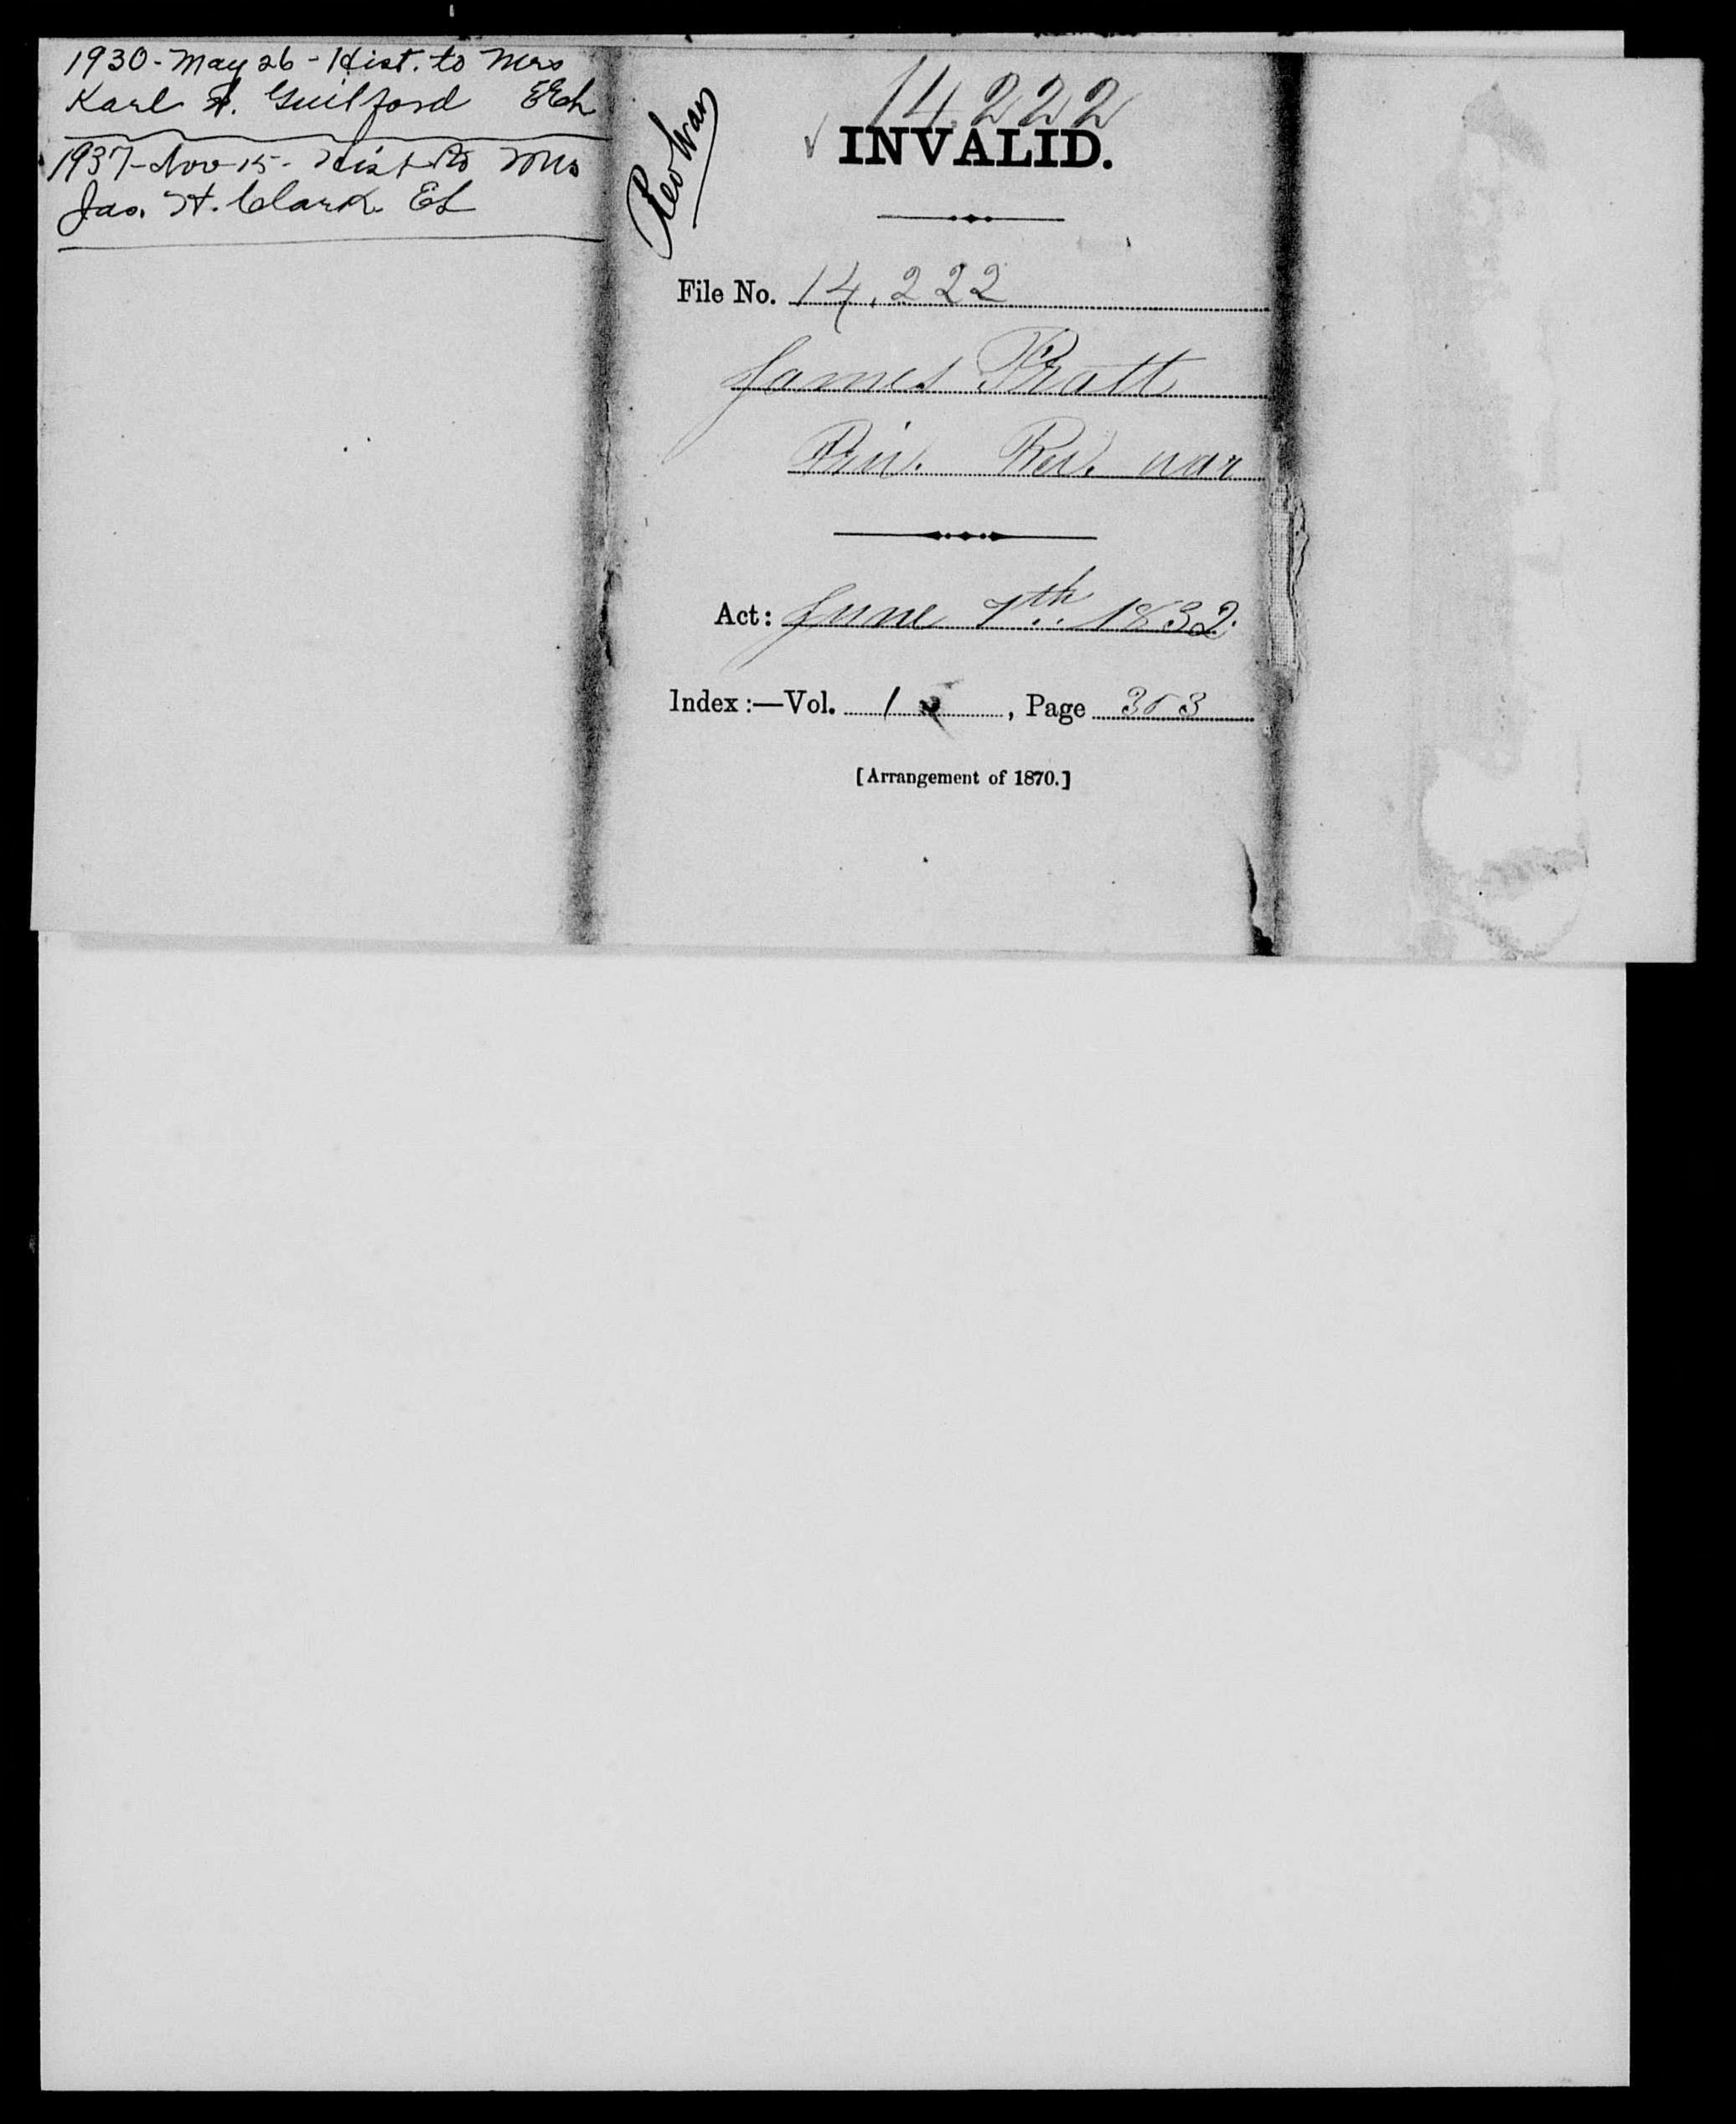1930 May 26 Hist to Mrs Karl F Guilford EEL
1937 Nov 15 Hist to Mrs Jas H Clark EL

Rev War
14222
INVALID.

File No. 14.222
James Pratt 
Priv Rev War
Act June 7th 1832
Index: - Vol. 1, Page 303 
(Arrangement of 1870.)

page: 29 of 29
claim: survivor's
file: S. 14,222, for James Pratt, Vermont